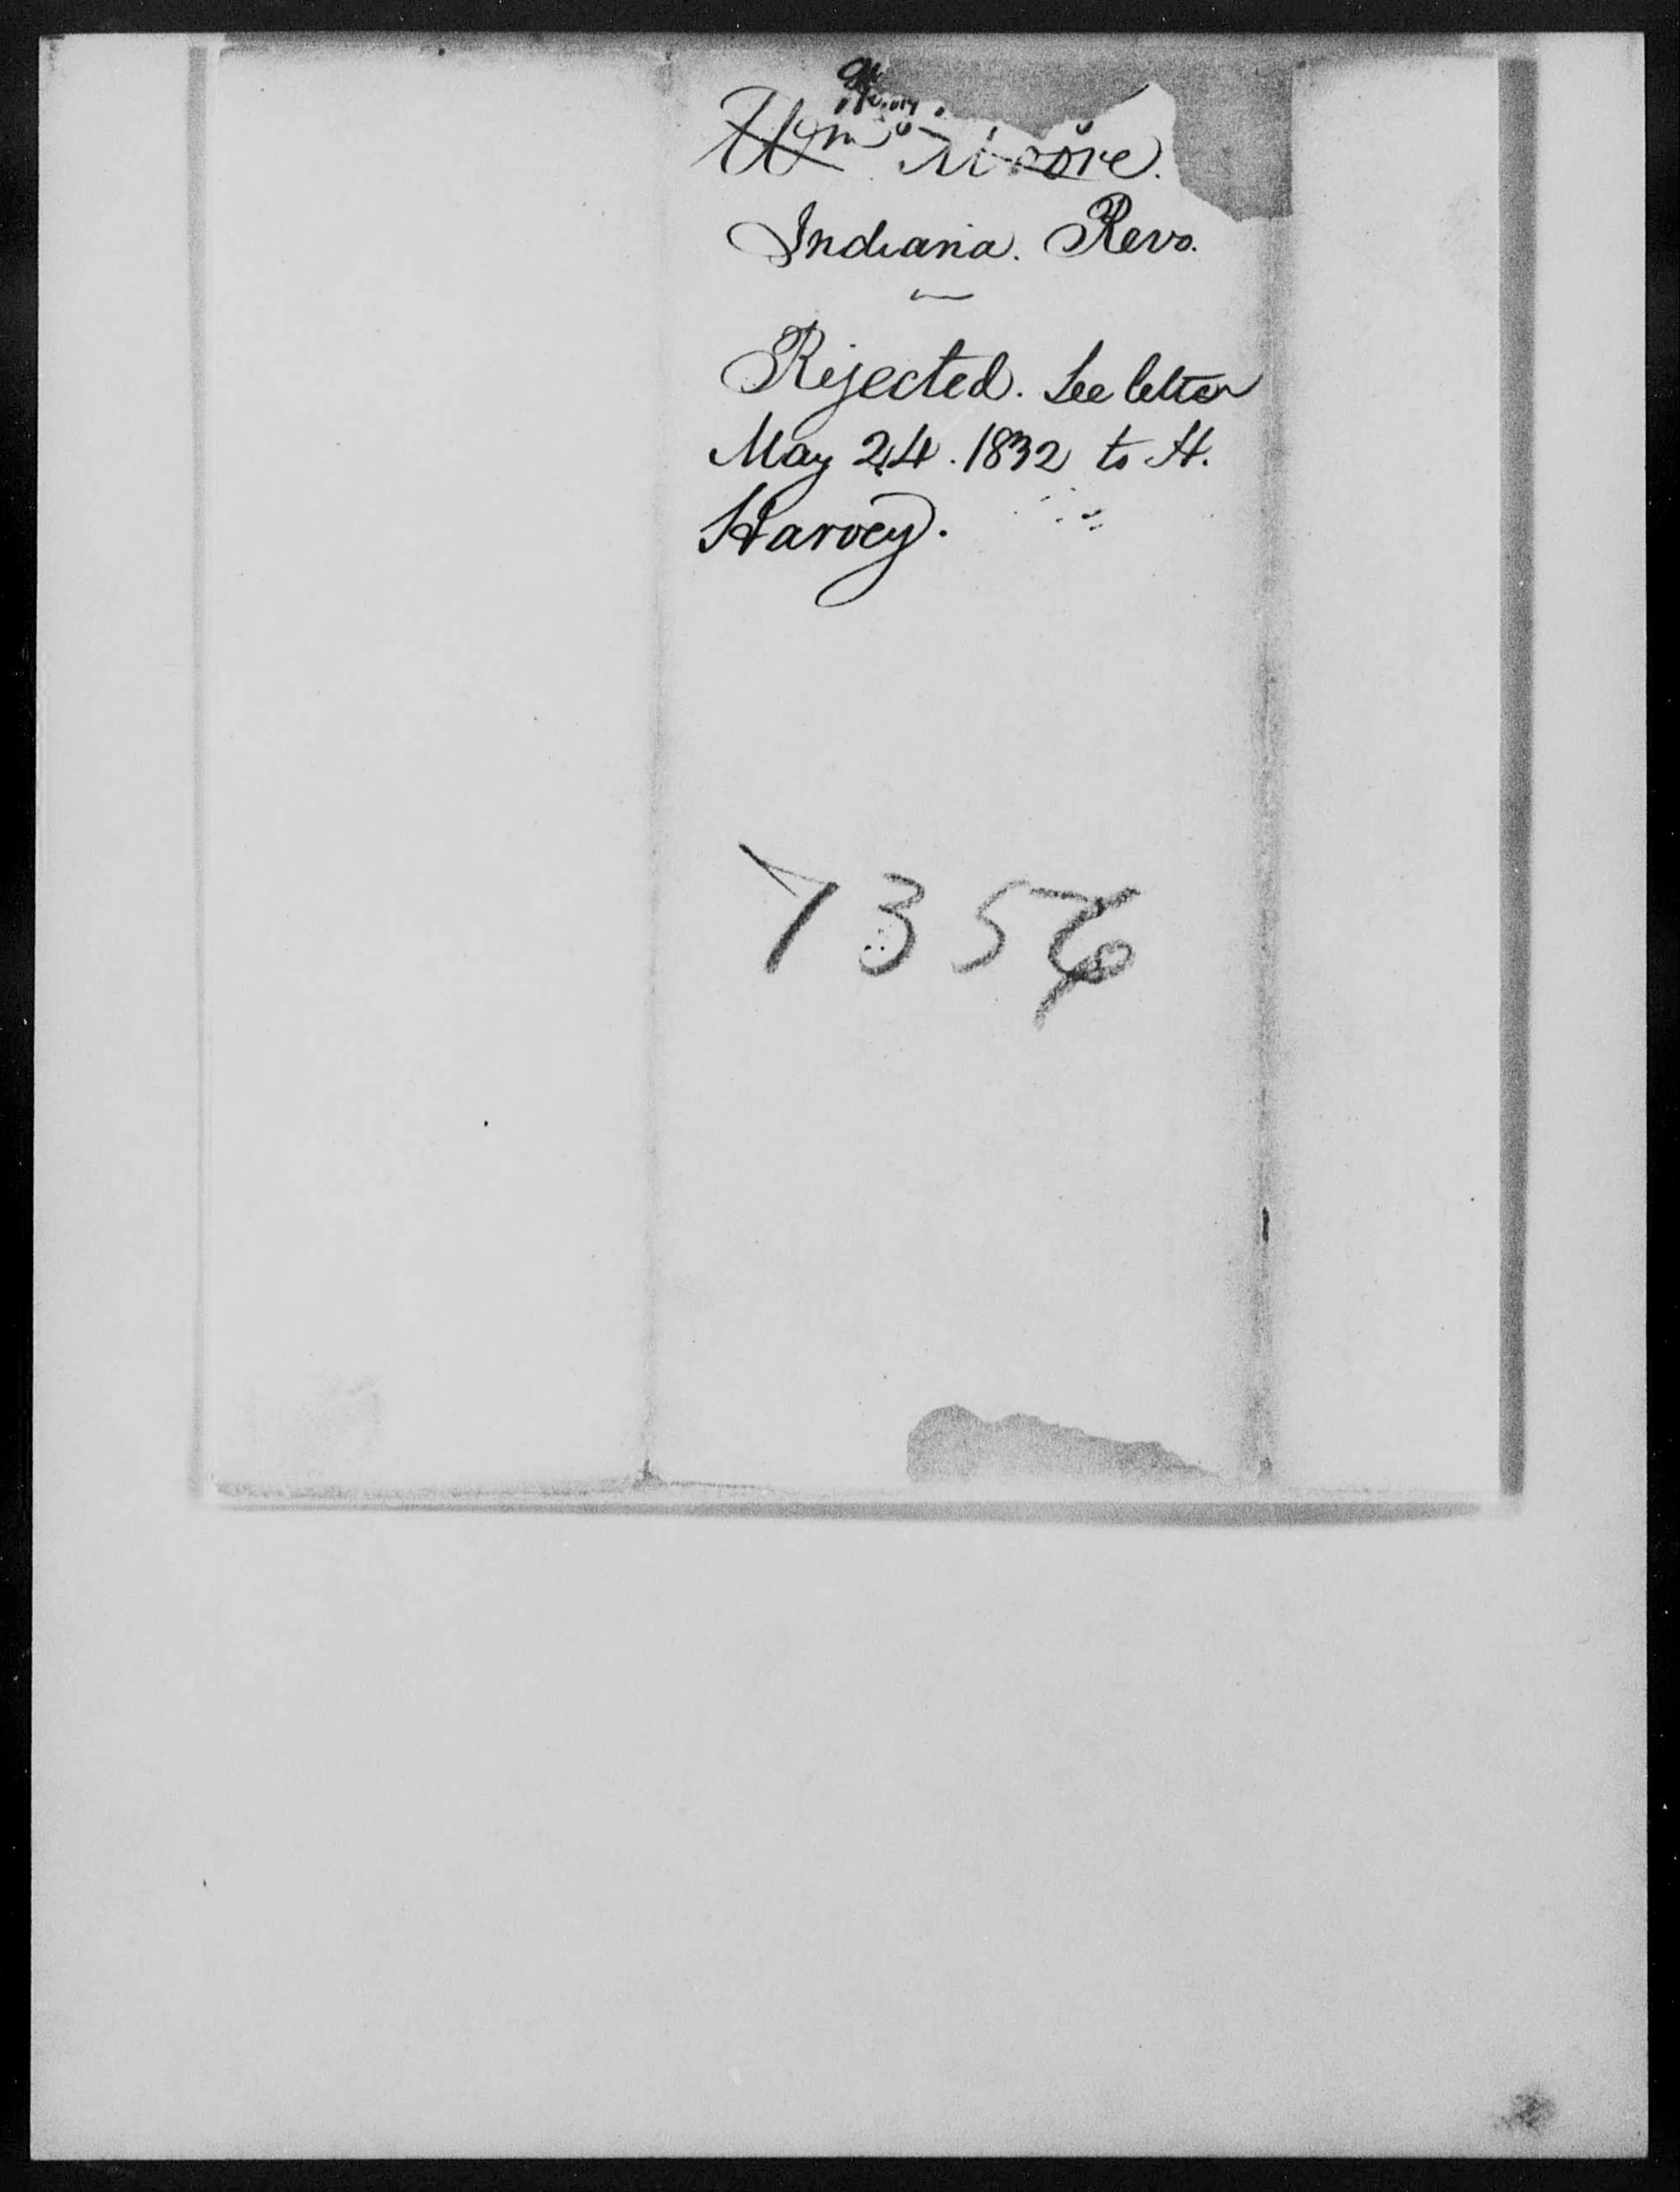Wm. Moore
Indiana.  Revo.

Rejected.  See letter
May 24 1832 to H. Harvey

7356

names: Wm Moore; H Harvey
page: 13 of 16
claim: survivor's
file: S. 17,592, for William Moore, North Carolina